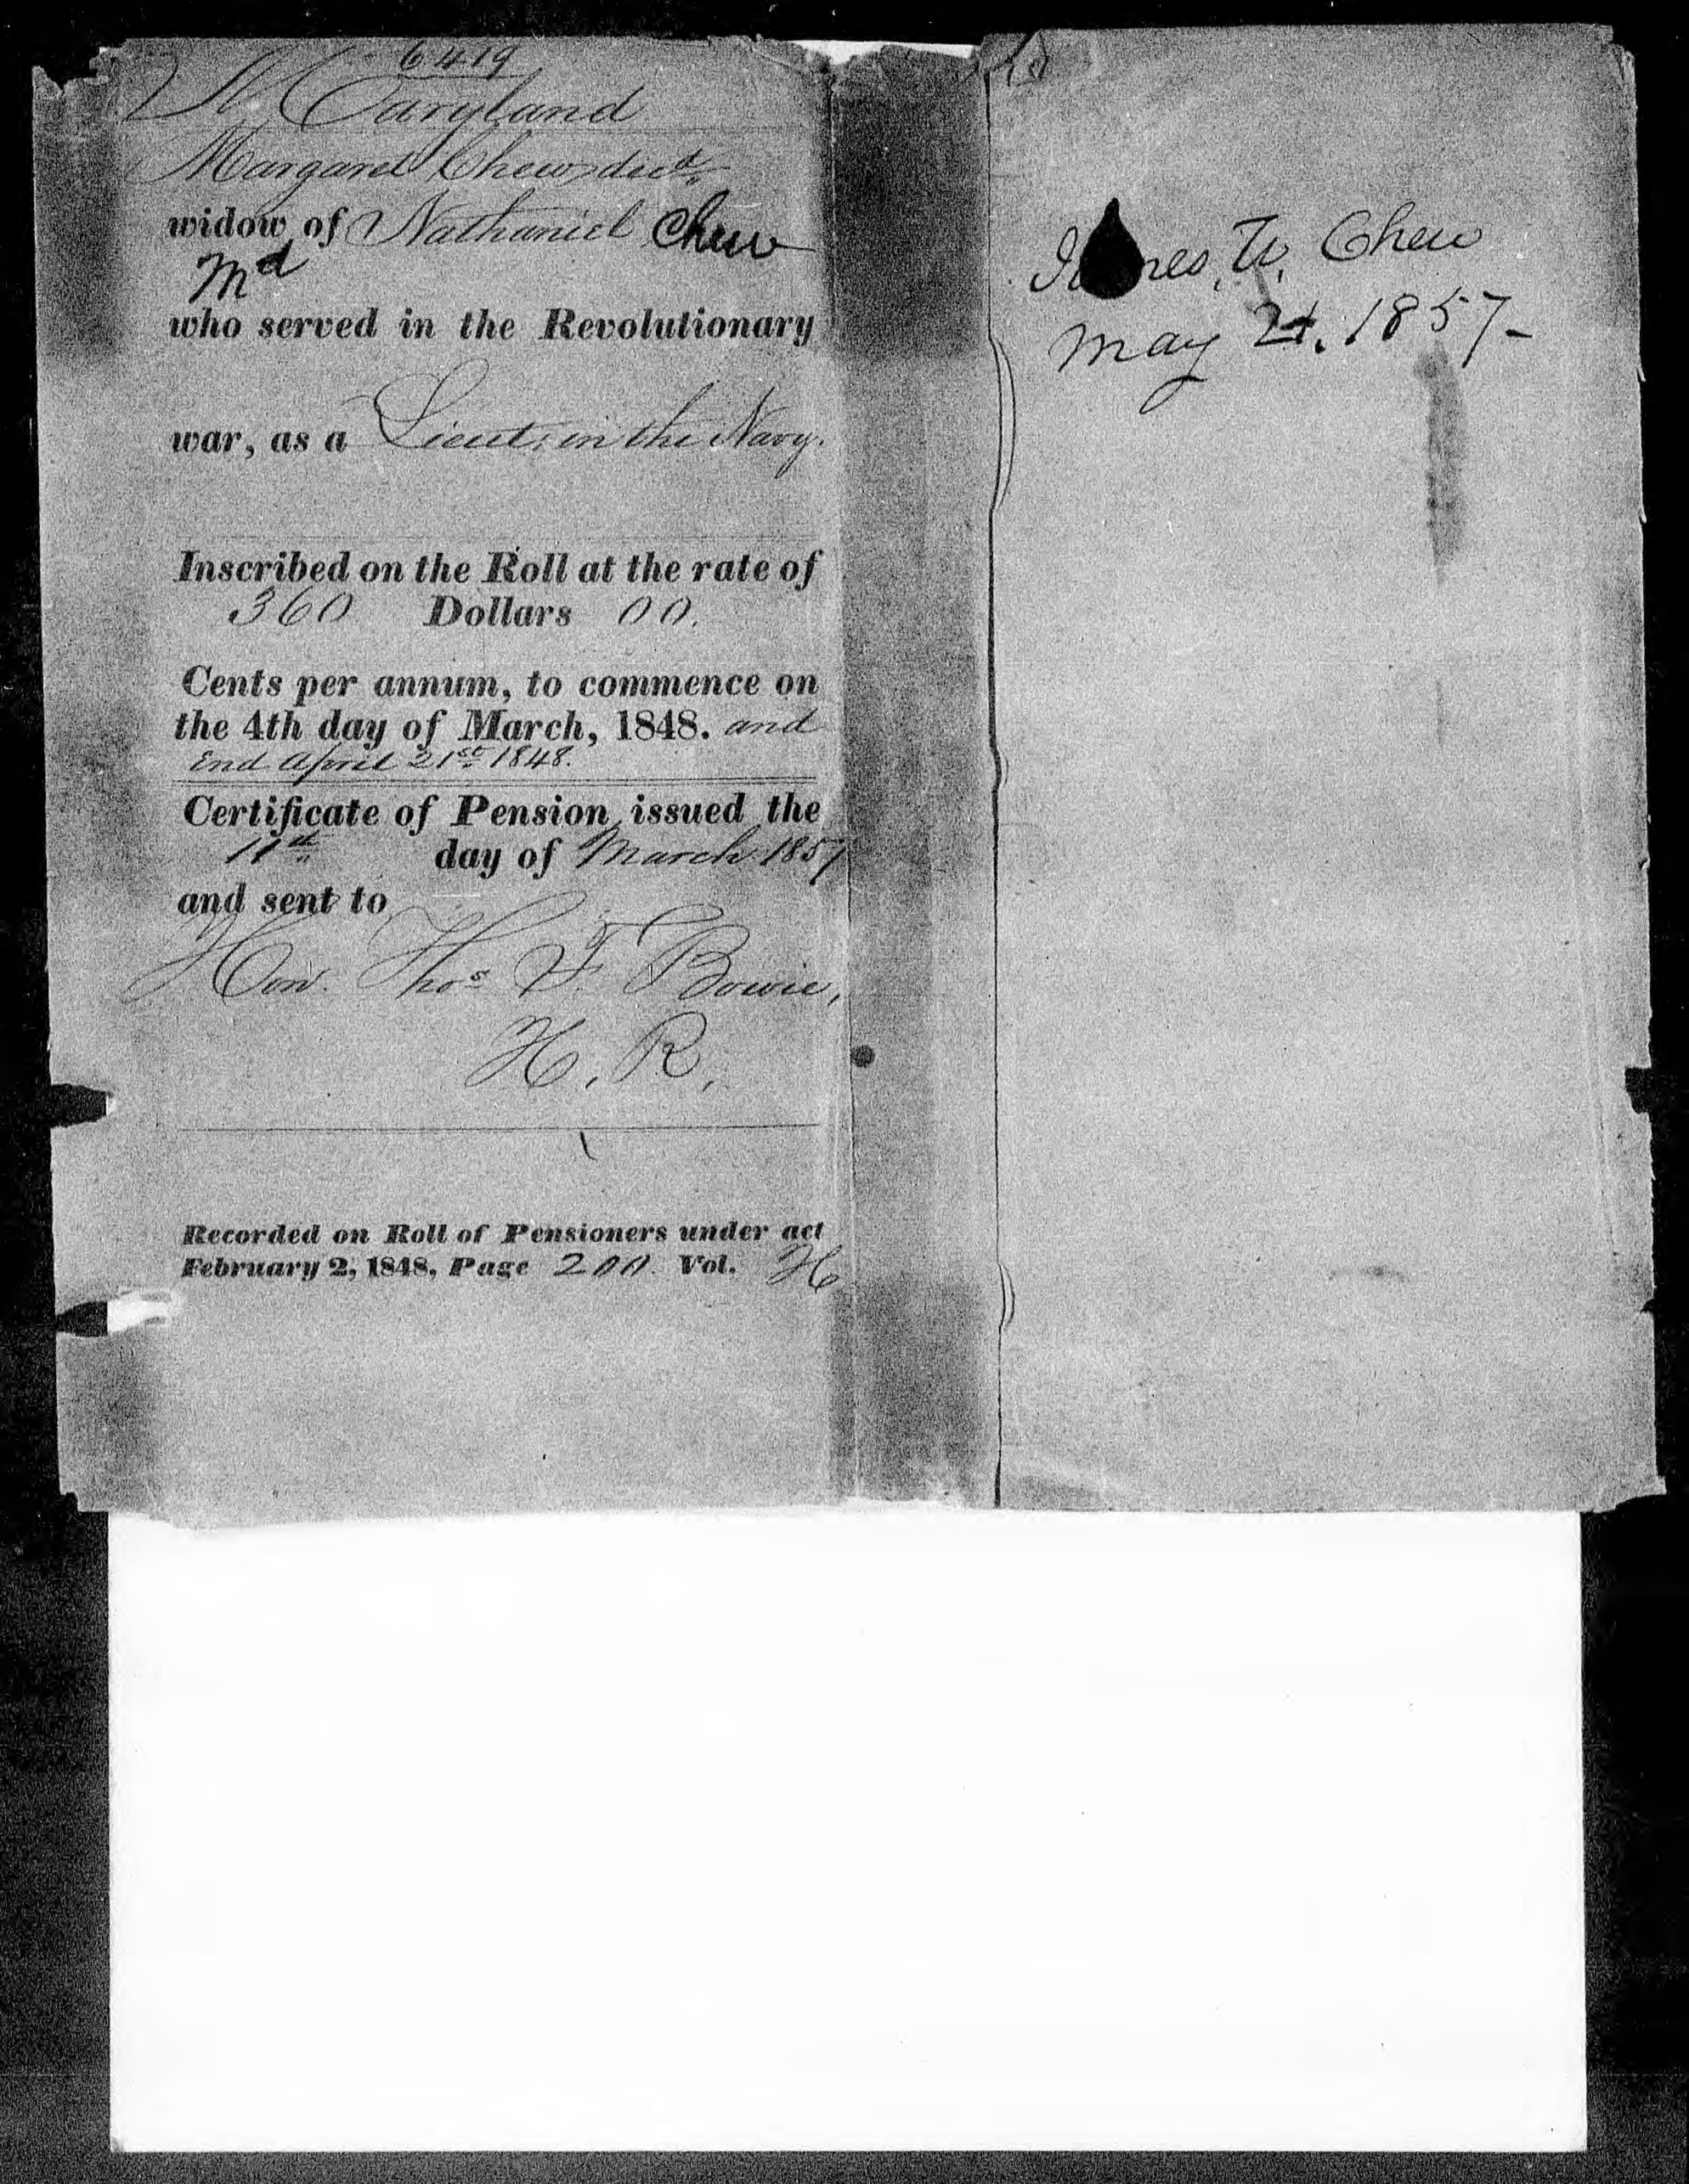[left page]
6419
Maryland 
Margaret Chew died
widow of Nathaniel Chew 
Md
who served in the Revolutionary 
war, as a Lieut. in the Navy.
Inscribed on the Roll at the rate of 
360 Dollars 00
Cents per annum, to commence on 
the 4th day of March, 1848. and 
End April 21st 1848.
Certificate of Pension issued the 
11th day of March 1857
and sent to 
Hon, Thos F Bowie
H. R. 
Recorded on Roll of Pensioners under act
February 2, 1848, Page 200 Vol. H


[right page]
J[illegible]es A. Chew
May 24, 1857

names: Nathaniel Chew, Johnes Chew, Thos F Bowie, Margaret Chew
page: 2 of 59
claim: widow's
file: W. 9383, Nathaniel Chew, Navy (Md.)